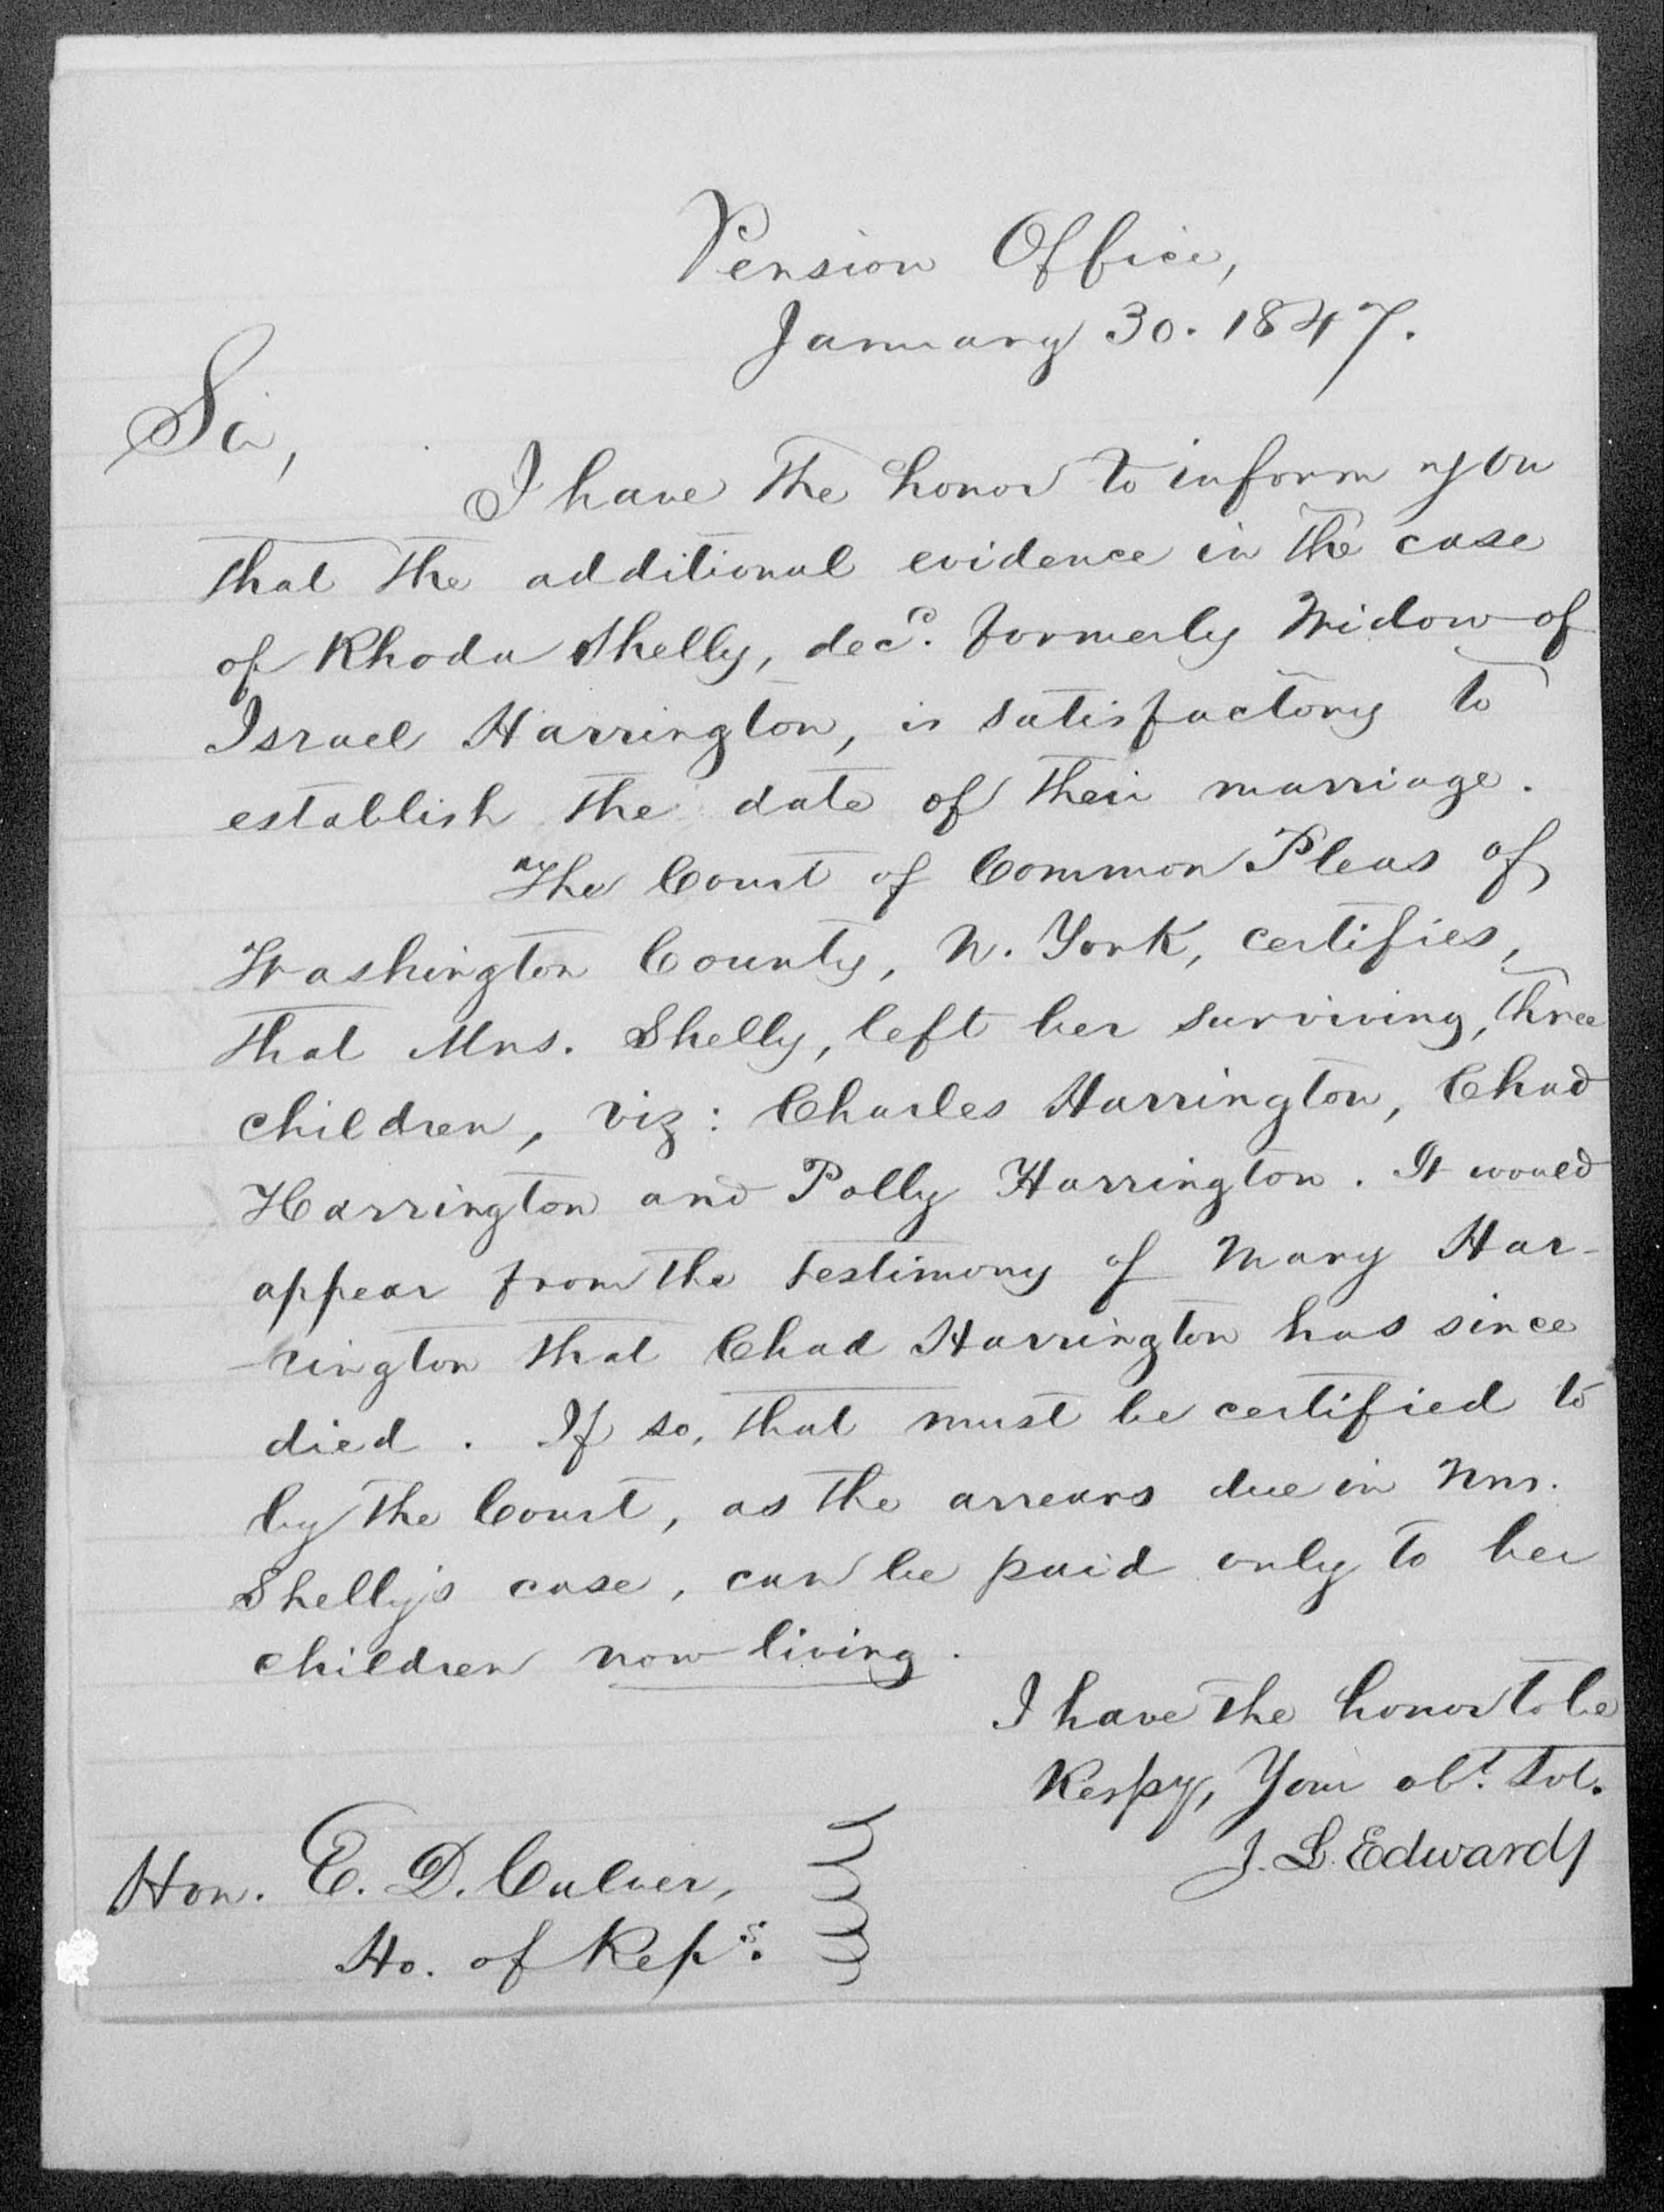Pension Office,
January 30, 1847.

Sir,
I have the honor to inform you that the additional evidence in the case of Rhoda Shelly, decd [deceased] formerly widow of Israel Harrington, is satisfactory to establish the date of their marriage.

The Court of Common Pleas of Washington County, N. York, certifies, that Mrs. Shelly, left her surviving three children, viz: Charles Harrington, Chad Harrington and Polly Harrington. It would appear from the testimony of Mary Harrington that Chad Harrington has since died. If so, that must be certified to by the Court, as the arrears due in Mrs. Shelly's case, can be paid only to her children now living.

I have the honor to be Respy [Respectfully], Your obt. [obedient] Svt. [Servant]
J. L. Edwards

Hon. E. D. Culver
Ho. of Reps. [House of Representatives]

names: Shelly, Charles Harrington, Shelly, Chad Harrington, E D Culver, Mary Harrington, Chad Harrington, J L Edwards, Rhoda Shelly, Israel Harrington, Polly Harrington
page: 48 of 51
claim: widow's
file: W. 19,026, Israel Harrington, R.I.